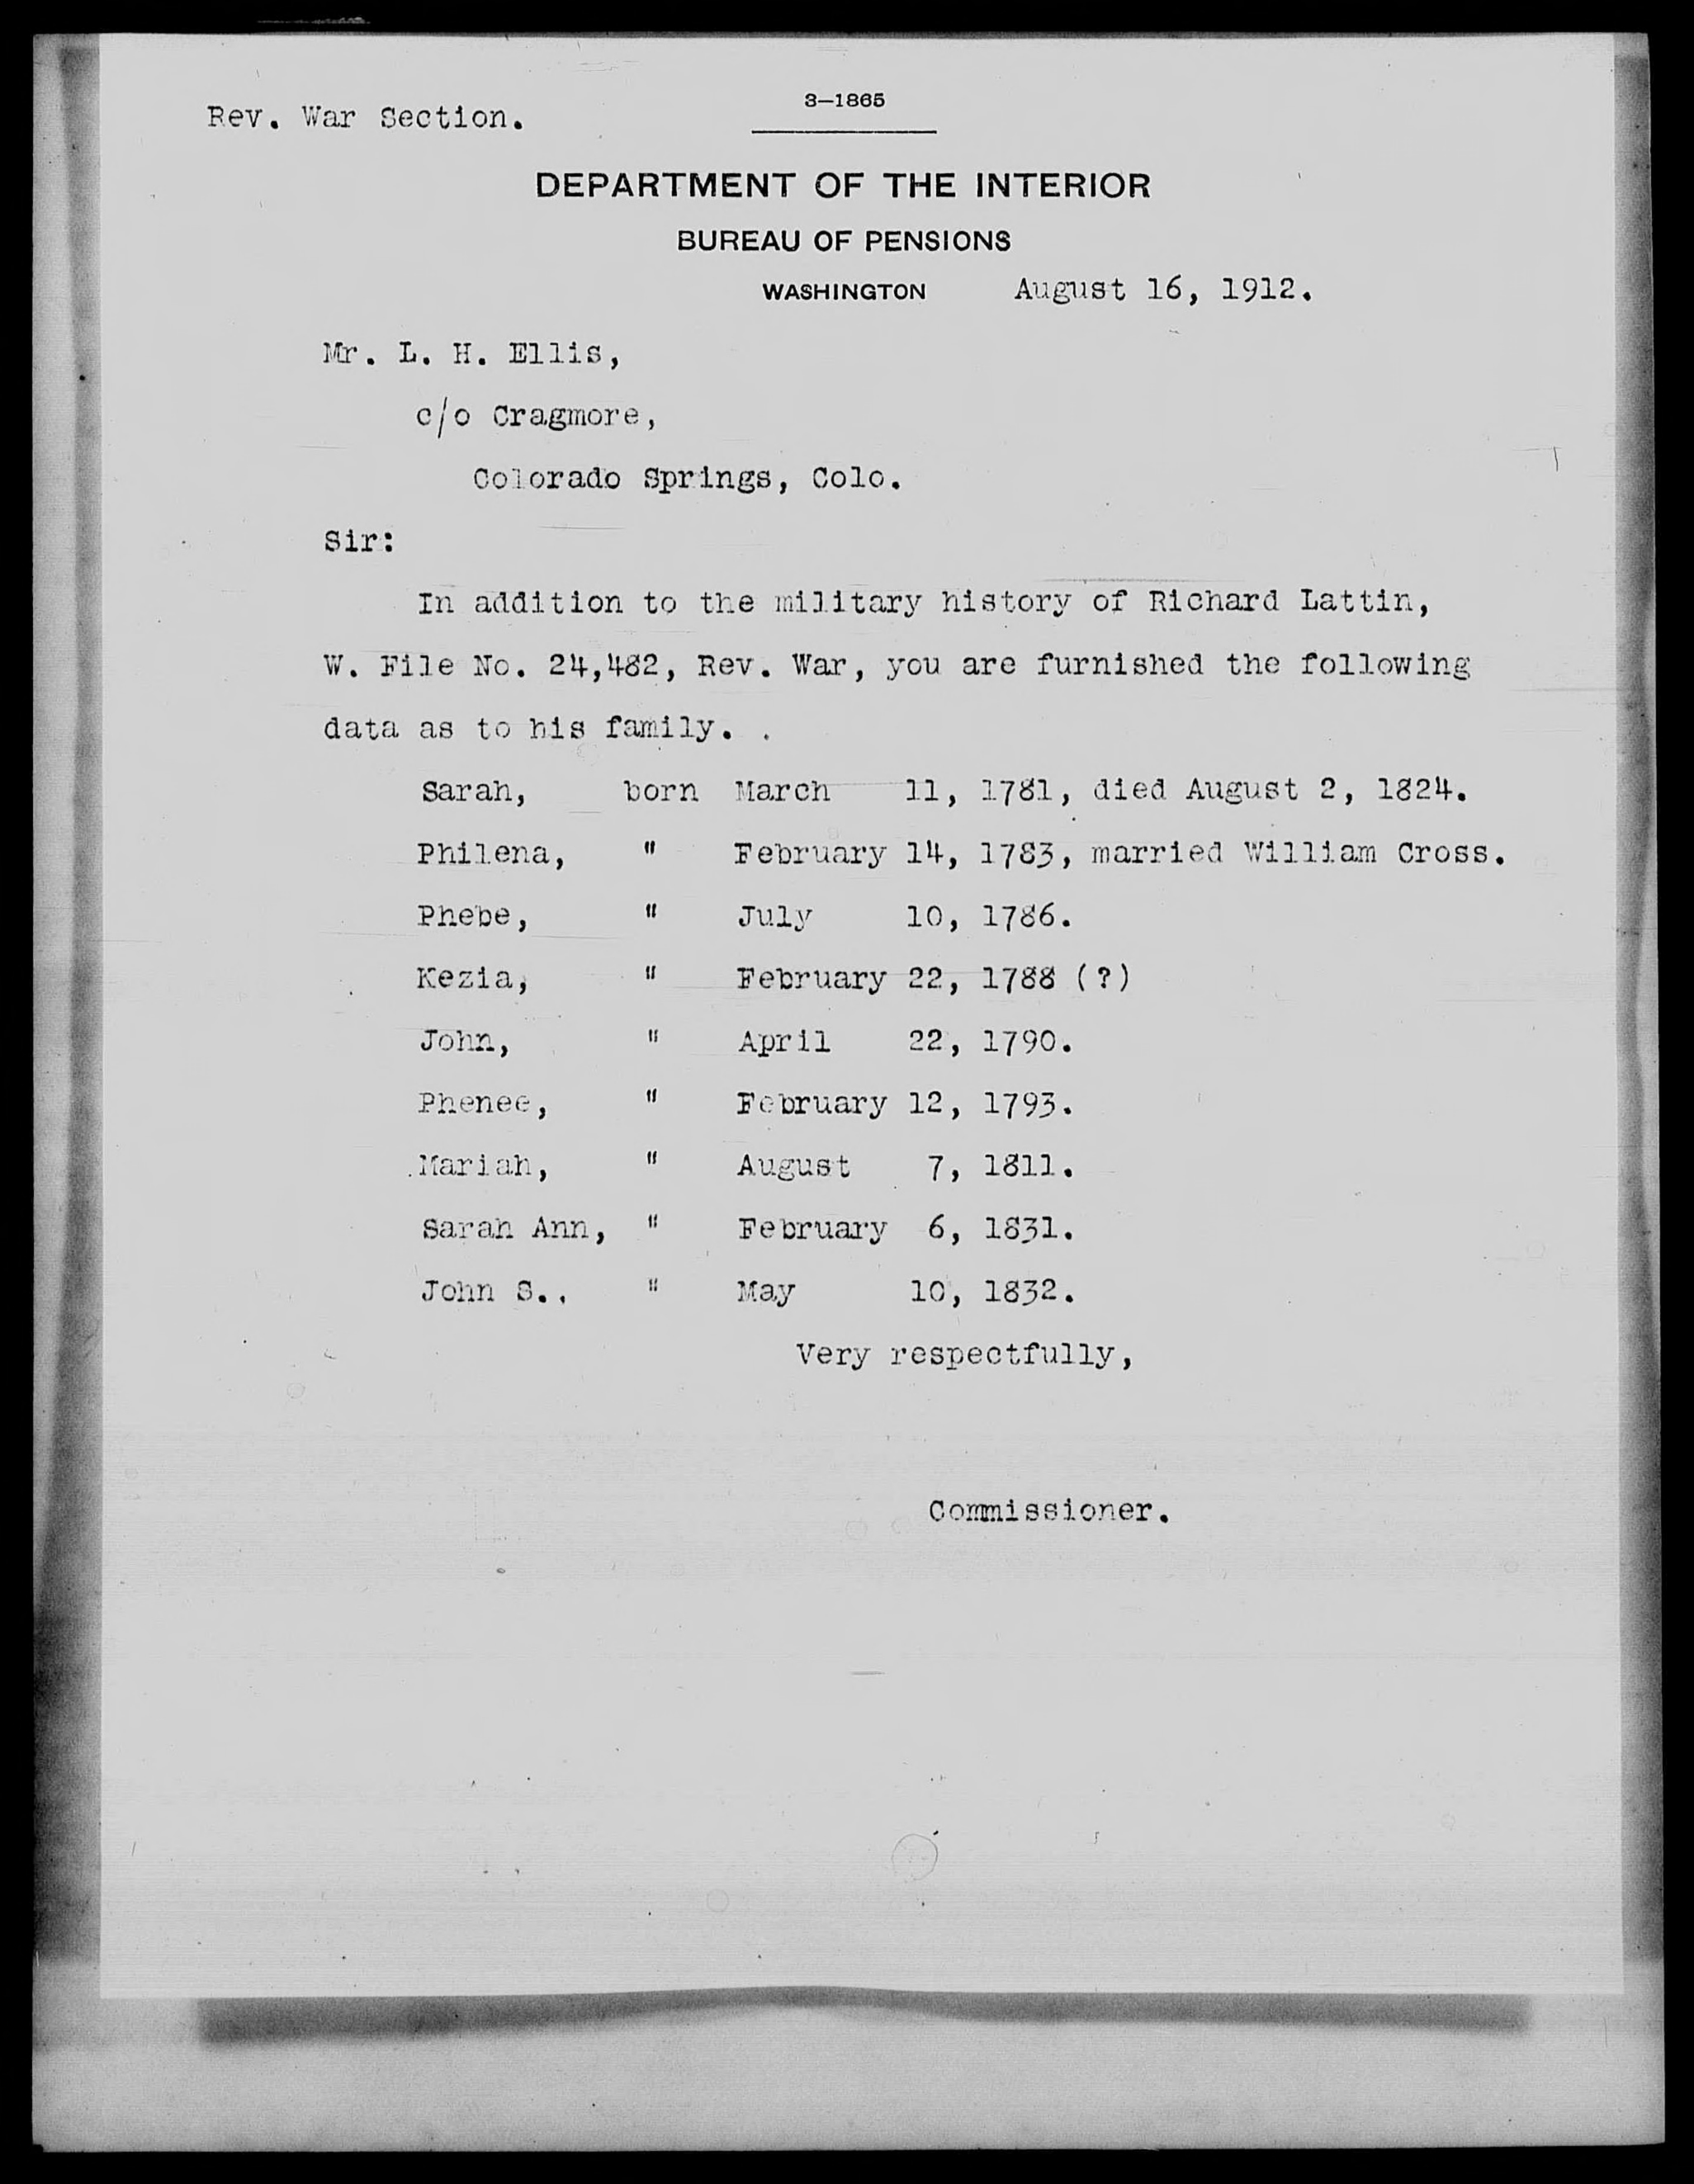Rev. War Section.
3 -- 1865
DEPARTMENT OF THE INTERIOR
BUREAU OF PENSIONS
WASHINGTON
August 16, 1912.

Mr. L. H. Ellis,
c/o Cragmore,
Colorado Springs, Colo.

Sir:
In addition to the military history of Richard Lattin, W. File
No. 24, 482, Rev. War, you are herewith furnished the following data as to his family.

Sarah, born March 11, 1781, died August 2, 1824.
Philena, born February 14, 1783, marries William Cross.
Phebe, born July 10, 1786.
Kezia, born February 22, 1788 (?) 
John, born April 22, 1790.
Phenes, born February 12, 1793.

Mariah, born August 7, 1811.
Sarah Ann, born February 6, 1831.
John S., born May 10, 1832.

Very respectfully,
Commissioner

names: Sarah Ann [BLANK]; John [BLANK]; Phenee [BLANK]; Kezia [BLANK]; Sarah [BLANK]; L H Ellis; Phebe [BLANK]; Richard Lattin; Philena [BLANK]; William Cross; Mariah [BLANK]; John S [BLANK]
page: 60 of 99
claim: widow's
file: W. 24,482, for Richard Lattin, Vermont